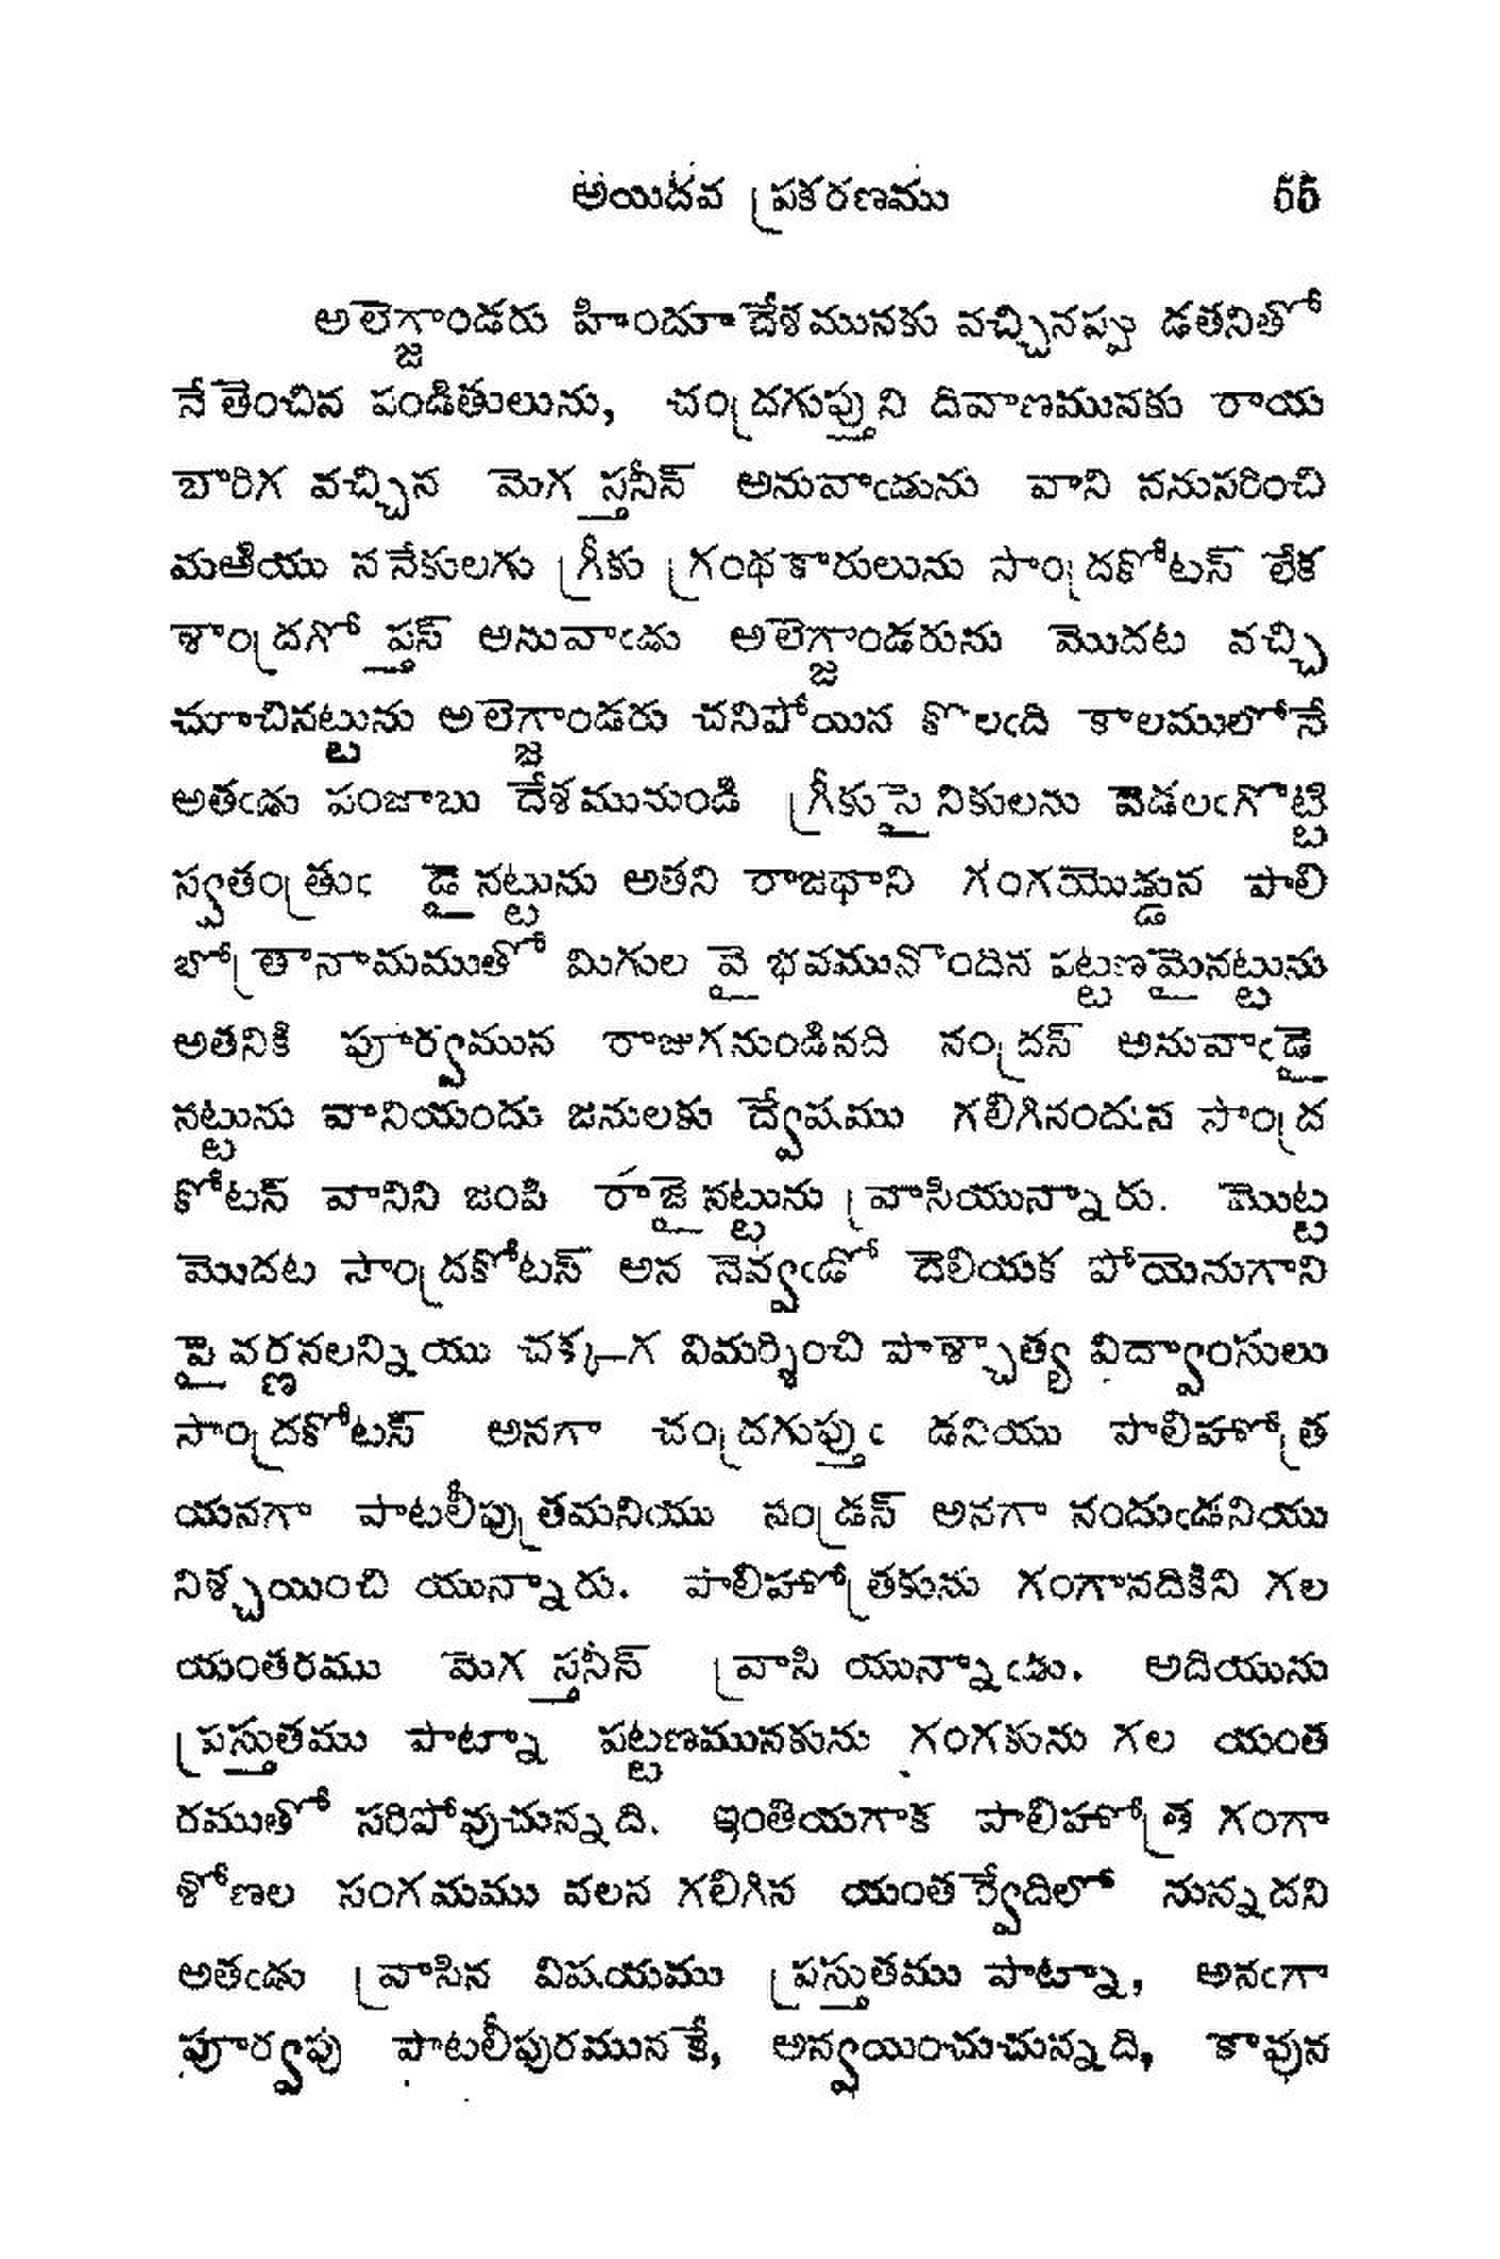అలెగ్జాండరు హిందూదేశమునకు వచ్చినప్పు డతనితో నేతెంచిన పండితులును, చంద్రగుప్తుని దివాణమునకు
రాయబారిగ వచ్చిన మెగస్తనీస్ అనువాఁడును వాని ననుసరించి మఱియు ననేకులగు గ్రీకు గ్రంథకారులును సాంద్రకోటస్ లేక శాంద్రగోప్తస్ అనువాఁడు అలెగ్జాండరును మొదట వచ్చి చూచినట్టును అలెగ్జాండరు చనిపోయిన కొలఁది కాలములోనే అతఁడు పంజాబు దేశమునుండి గ్రీకు సైనికులను వెడలఁగొట్టి స్వతంత్రుఁ డైనట్టును అతని రాజధాని గంగయొడ్డున పాలిబోత్రానామముతో మిగుల వైభవమునొందిన పట్టణమైనట్టును అతనికి పూర్వమున రాజుగనుండినది. నంద్రన్ అనువాఁడైనట్టును వానియందు జనులకు ద్వేషము గలిగినందున సాంద్రకోటన్ వానిని జంపి రాజైనట్టును వ్రాసియున్నారు. మొట్టమొదట సాంద్రకోటస్ అన నెవ్వఁడో దెలియక పోయెనుగాని పై వర్ణనలన్నియు చక్కగ విమర్శించి పాశ్చాత్య విద్వాంసులు సాంద్రకోటస్ అనగా చంద్రగుప్తుఁ డనియు పాలిహోత్ర యనగా పాటలీపుత్రమనియు నండ్రస్ అనగా నందుఁడనియు నిశ్చయించి యున్నారు. పాలిహోత్రకును గంగానదికిని గల యంతరము మెగస్తనీస్ వ్రాసి యున్నాఁడు. అదియును ప్రస్తుతము పాట్నా పట్టణమునకును గంగకును గల యంతరముతో సరిపోవుచున్నది. ఇంతియగాక పాలిహోత్ర గంగా శోణల సంగమము వలన గలిగిన యంతర్వేదిలో నున్నదని అతఁడు వ్రాసిన విషయము ప్రస్తుతము పాట్నా, అనఁగా పూర్వపు పాటలీపురమునకే, అన్వయించుచున్నది, కావున